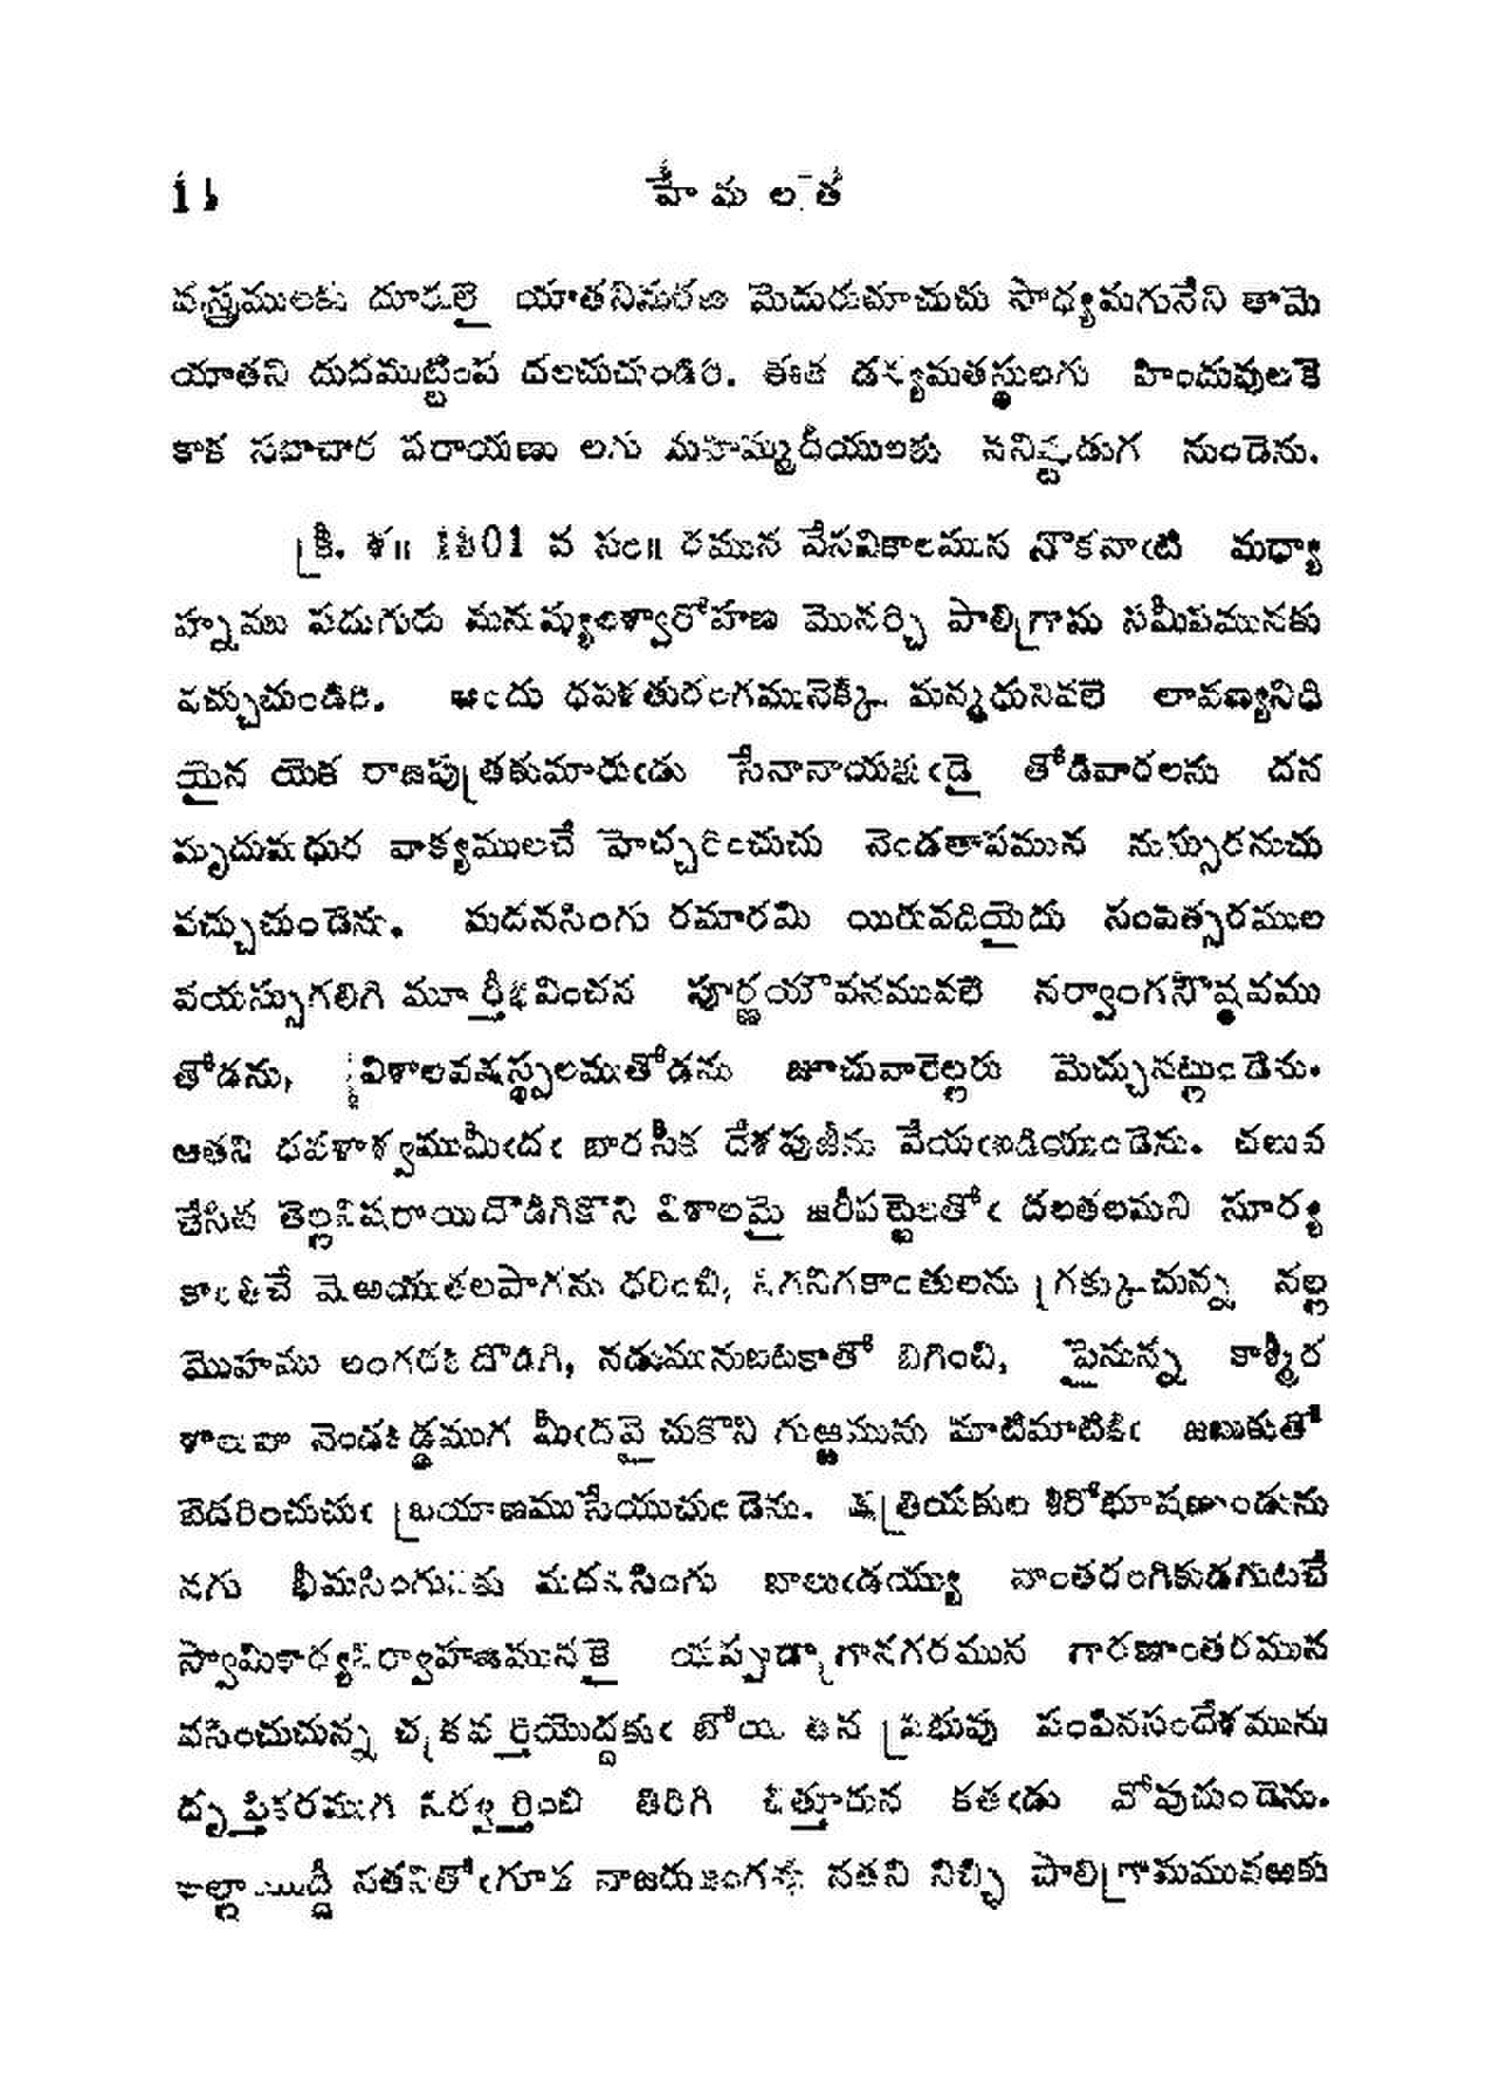వస్త్రములకు దూరులై యాతనిమరణ మెదురుచూచుచు సాధ్యమగునేని తామె యాతని దుదముట్టింప దలచుచుండిరి. ఈత డన్యమతస్థులగు హిందువులకె కాక సదాచార పరాయణు లగు మహమ్మదీయులకు ననిష్టుడుగ నుండెను.

క్రీ. శǁ 1301 వ సంǁ రమున వేసవికాలమున నొకనాఁటి మధ్యాహ్నము పదుగురు మనష్యులశ్వారోహణ మొనర్చి పాలిగ్రామ సమీపమునకు వచ్చుచుండిరి. అందు ధవళతురంగమునెక్కి, మన్మధునివలె లావణ్యనిధియైన యెక రాజపుత్రకుమారుఁడు సేనానాయకుఁడై తోడివారలను దన మృదుమధుర వాక్యములచే హెచ్చరించుచు నెండతాపమున నుస్సురనుచు వచ్చుచుండెను. మదనసింగు రమారమి యిరువదియైదు సంవత్సరముల వయస్సుగలిగి మూర్తీభవించన పూర్ణయౌవనమువలె సర్వాంగసౌష్టవము తోడను, విశాలవక్షస్థలముతోడను జూచువారెల్లరు మెచ్చునట్లుండెను. ఆతని ధవళాశ్వముమీఁదఁ బారసీక దేశపుజీను వేయఁబడియుండెను. చలువ చేసిన తెల్లనిషరాయిదొడిగికొని విశాలమై జరీపట్టెలతోఁ దలతలమని సూర్య కాంతిచే మెఱయుతలపాగను ధరించి, నిగనిగకాంతులను గ్రక్కుచున్న నల్ల
మొహము లంగరక దొరిగి, నడుమునుబటకాతో బిగించి, పైనున్న కాశ్మీర శాలువా నెండకడ్డముగ మీఁదవైచుకొని గుఱ్ఱమును మాటిమాటికీ జబుకుతో బెదరించుచుఁ బ్రయాణము సేయుచుండెను. క్షత్రియకుల శిరోభూషణుండును సగు భీమసింగునకు మదనసింగు బాలుఁడయ్యు నాంతరంగికుడగుటచే స్వామికార్యనిర్వాహణమునకై యప్పుడాగ్రానగరమున గారణాంతరమున వసించుచున్న చక్రవర్తి యొద్దకుఁ బోయి తన ప్రభువు పంపినసందేశమును దృప్తికరముగి నిర్వర్తించి తిరిగి చిత్తూరున కతఁడు వోవుచుండెను. జిల్లాయుద్దీ నతనితోఁగూడ నాజరు జంగను నతని నిచ్చి పాలిగ్రామమువఱకు